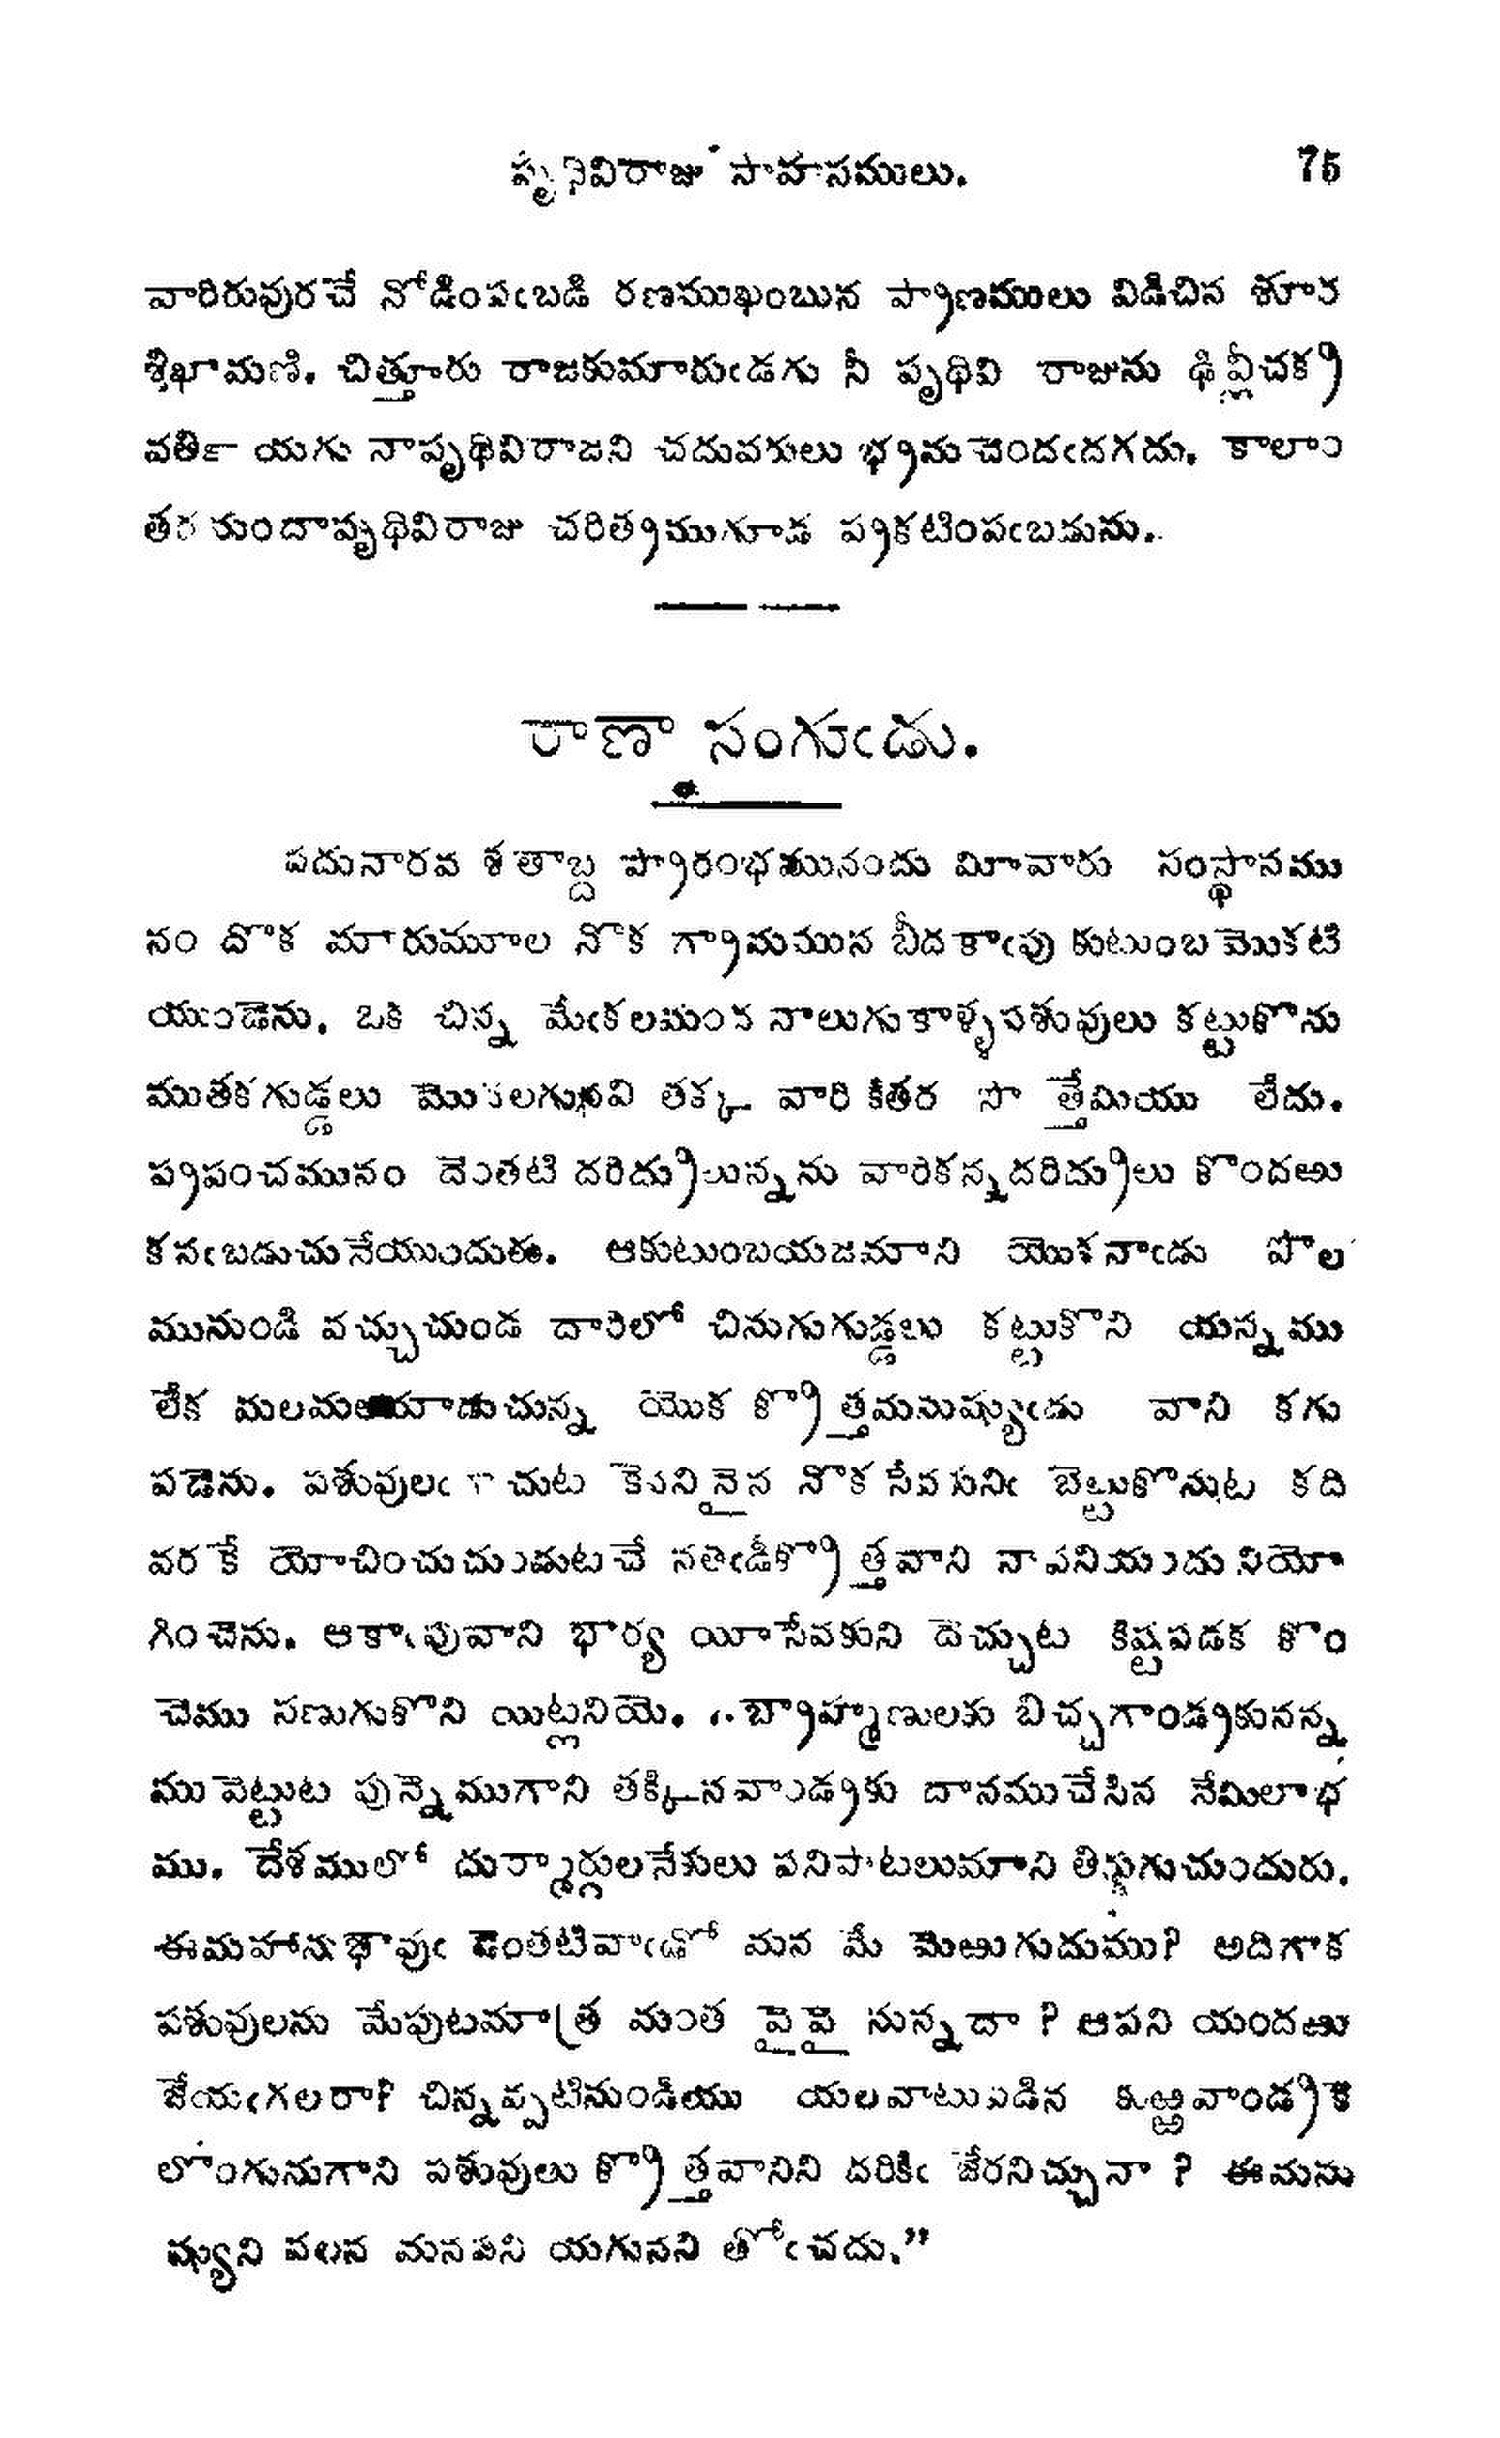వారిరువురచే నోడింపఁబడి రణముఖంబున ప్రాణములు విడిచిన శూరశిఖామణి. చిత్తూరు రాజకుమారుఁడగు నీ పృథివి రాజును ఢిల్లీచక్రవతి౯ యగు నాపృథివిరాజని చదువరులు భ్రమ చెందఁదగదు. కాలాంతరమందా పృథివిరాజు చరిత్రముగూడ ప్రకటింపఁబడును.

రాణా సంగుఁడు.

పదునారవ శతాబ్ద ప్రారంభమునందు మేవారు సంస్థానము నందొక మారుమూల నొక గ్రామమున బీద కాఁపు కుటుంబ మొకటి యుండెను. ఒక చిన్న మేఁక లమంద నాలుగు కాళ్ళ పశువులు కట్టుకొను ముతక గుడ్డలు మొదలగునవి తక్క వారి కితర సొత్తేమియు లేదు. ప్రపంచమునం దెంతటి దరిద్రులున్నను వారికన్నదరిద్రులు కొందఱు కనఁబడుచునేయుందురు. ఆకుటుంబయజమాని యొకనాడు పోలము నుండి వచ్చుచుండ దారిలో చినుగు గుడ్డలు కట్టుకొని యన్నము లేక మలమలామాడుచున్న యొక కొత్త మనుష్యుడు వాని కగుపడెను. పశువులఁ గాచుట 'కెవని నైన నొక సేవకునిఁ 'బెట్టుకొనుట కది వరకే యోచించు చుండుటచే నతఁడీ క్రోత్త వాని నా పనియందు నియోగించెను. ఆకాఁపువాని భార్య యీ సేవకుని దెచ్చుట కిష్టపడక కొంచెము సణుగుకొని యిట్లనియె. . బ్రాహ్మణులకు బిచ్చగాండకునన్నము పెట్టుట పున్నెముగానీ తక్కినవాండ్రకు దానము చేసిన నేమిలాభము. దేశములో దుర్మార్గుల నేకులు పనిపాటలుమాని తిరుగుచుందురు.
ఈమహానుభావుఁ డెంతటివాఁడో మన 'మే మెఱుగుదుము? అదిగాక పశువులను మేపుటమాత్ర మంత పైపై నున్నదా? ఆపని యందఱు
జేయఁగలరా? చిన్నప్పటినుండియు యలవాటు పడిన కుఱ్ఱవాండ్రకె లొంగునుగాని పశువులు క్రోత్త వానిని దరికిఁ జేరనిచ్చునా? ఈమను
ష్యుని వలన మన పని యగునని తోఁచదు."